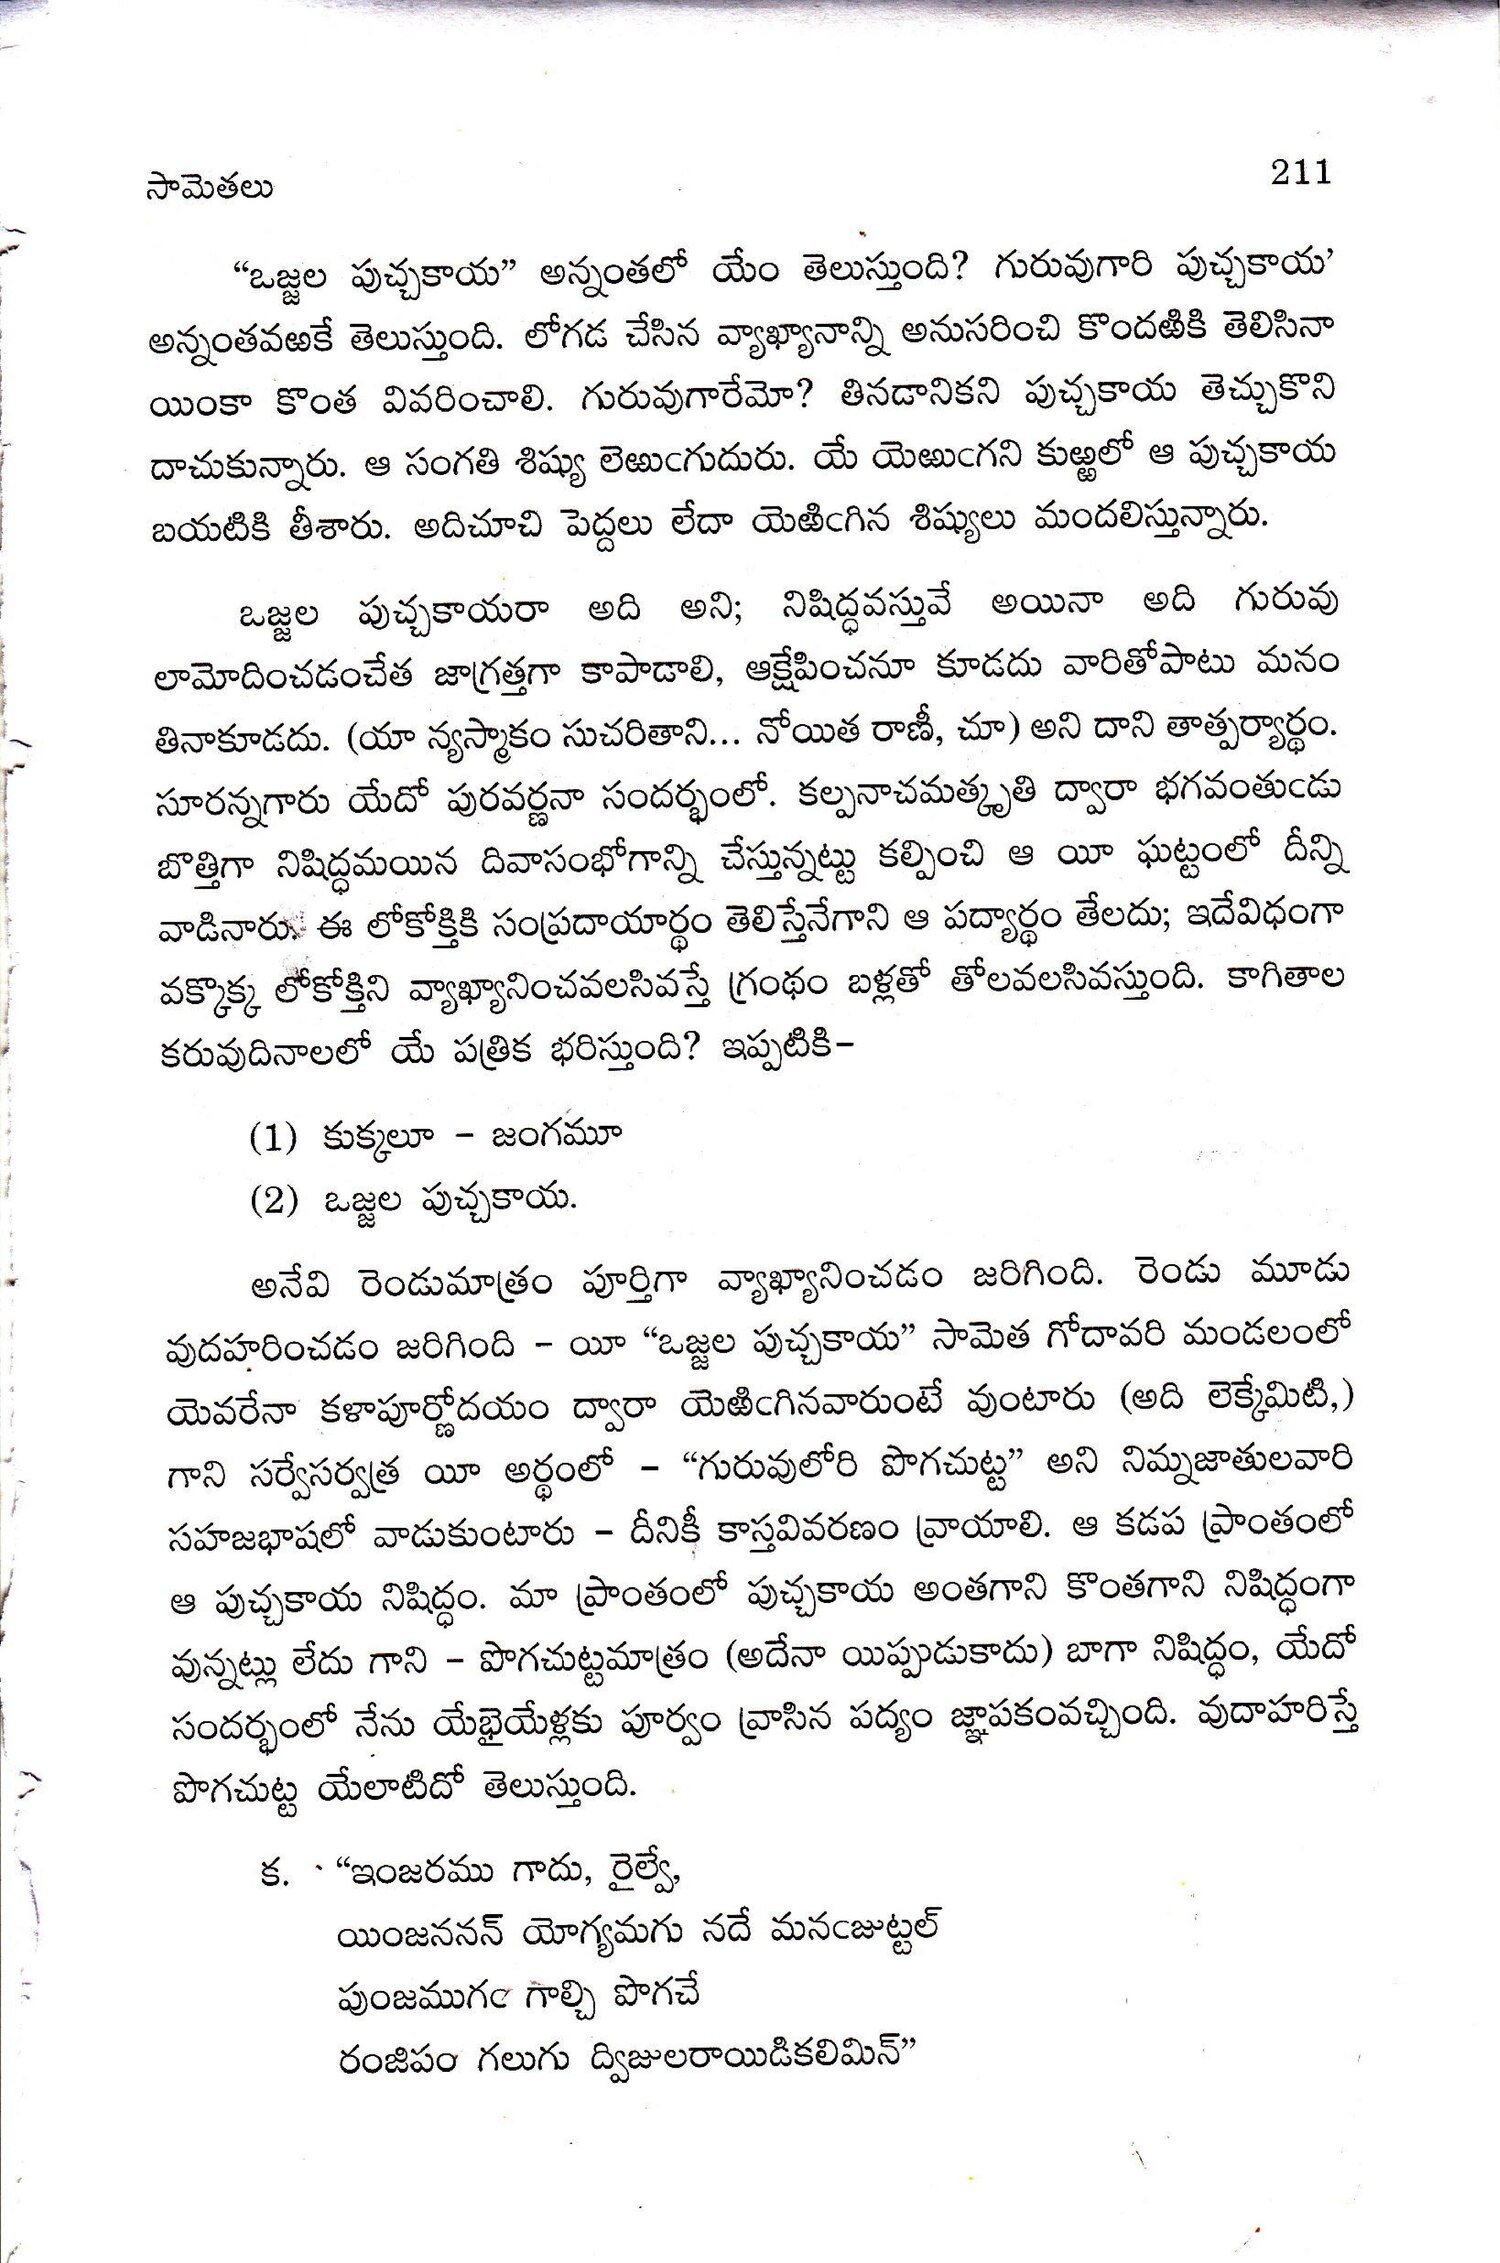"ఒజ్జల పుచ్చకాయ" అన్నంతలో యేం తెలుస్తుంది? గురువుగారి పుచ్చకాయ అన్నంతవఱకే తెలుస్తుంది. లోగడ చేసిన వ్యాఖ్యానాన్ని అనుసరించి కొందఱికి తెలిసినా యింకా కొంత వివరించాలి. గురువుగారేమో? తినడానికని పుచ్చకాయ తెచ్చుకొని దాచుకున్నారు. ఆ సంగతి శిష్యు లెఱుఁగుదురు. యే యెఱుఁగని కుఱ్ఱలో ఆ పుచ్చకాయ బయటికి తీశారు. అదిచూచి పెద్దలు లేదా యెఱిఁగిన శిష్యులు మందలిస్తున్నారు.

ఒజ్జల పుచ్చకాయరా అది అని; నిషిద్ధవస్తువే అయినా అది గురువు లామోదించడంచేత జాగ్రత్తగా కాపాడాలి, ఆక్షేపించనూ కూడదు వారితోపాటు మనం తినాకూడదు. (యా న్యస్మాకం సుచరితాని. నోయిత రాణీ, చూ) అని దాని తాత్పర్యార్థం. సూరన్నగారు యేదో పురవర్ణనా సందర్భంలో, కల్పనాచమత్కృతి ద్వారా భగవంతుఁడు బొత్తిగా నిషిద్ధమయిన దివాసంభోగాన్ని చేస్తున్నట్టు కల్పించి ఆ యీ ఘట్టంలో దీన్ని వాడినారు. ఈ లోకోక్తికి సంప్రదాయార్థం తెలిస్తేనేగాని ఆ పద్యార్థం తేలదు; ఇదేవిధంగా వక్కొక్క లోకోక్తిని వ్యాఖ్యానించవలసివస్తే గ్రంథం బళ్లతో తోలవలసివస్తుంది. కాగితాల కరువుదినాలలో యే పత్రిక భరిస్తుంది? ఇప్పటికి

(1) కుక్కలూ - జంగమూ 

(2) ఒజ్జల పుచ్చకాయ.

అనేవి రెండుమాత్రం పూర్తిగా వ్యాఖ్యానించడం జరిగింది. రెండు మూడు వుదహరించడం జరిగింది - యీ "ఒజ్జల పుచ్చకాయ" సామెత గోదావరి మండలంలో యెవరేనా కళాపూర్ణోదయం ద్వారా యెఱిఁగినవారుంటే వుంటారు (అది లెక్కేమిటి,) గాని సర్వేసర్వత్ర యీ అర్థంలో - “గురువులోరి పొగచుట్ట" అని నిమ్నజాతులవారి సహజభాషలో వాడుకుంటారు - దీనికీ కాస్తవివరణం వ్రాయాలి. ఆ కడప ప్రాంతంలో ఆ పుచ్చకాయ నిషిద్ధం. మా ప్రాంతంలో పుచ్చకాయ అంతగాని కొంతగాని నిషిద్ధంగా వున్నట్లు లేదు గాని - పొగచుట్టమాత్రం (అదేనా యిప్పడుకాదు) బాగా నిషిద్ధం, యేదో సందర్భంలో నేను యేభైయేళ్లకు పూర్వం వ్రాసిన పద్యం జ్ఞాపకంవచ్చింది. వుదాహరిస్తే పొగచుట్ట యేలాటిదో తెలుస్తుంది.

క. “ఇంజరము గాదు, రైల్వే,
 యింజననన్ యోగ్యమగు నదే మనఁజుట్టల్ 
 పుంజముగఁ గాల్చి పొగచే 
 రంజిపం గలుగు ద్విజులరాయిడికలిమిన్"